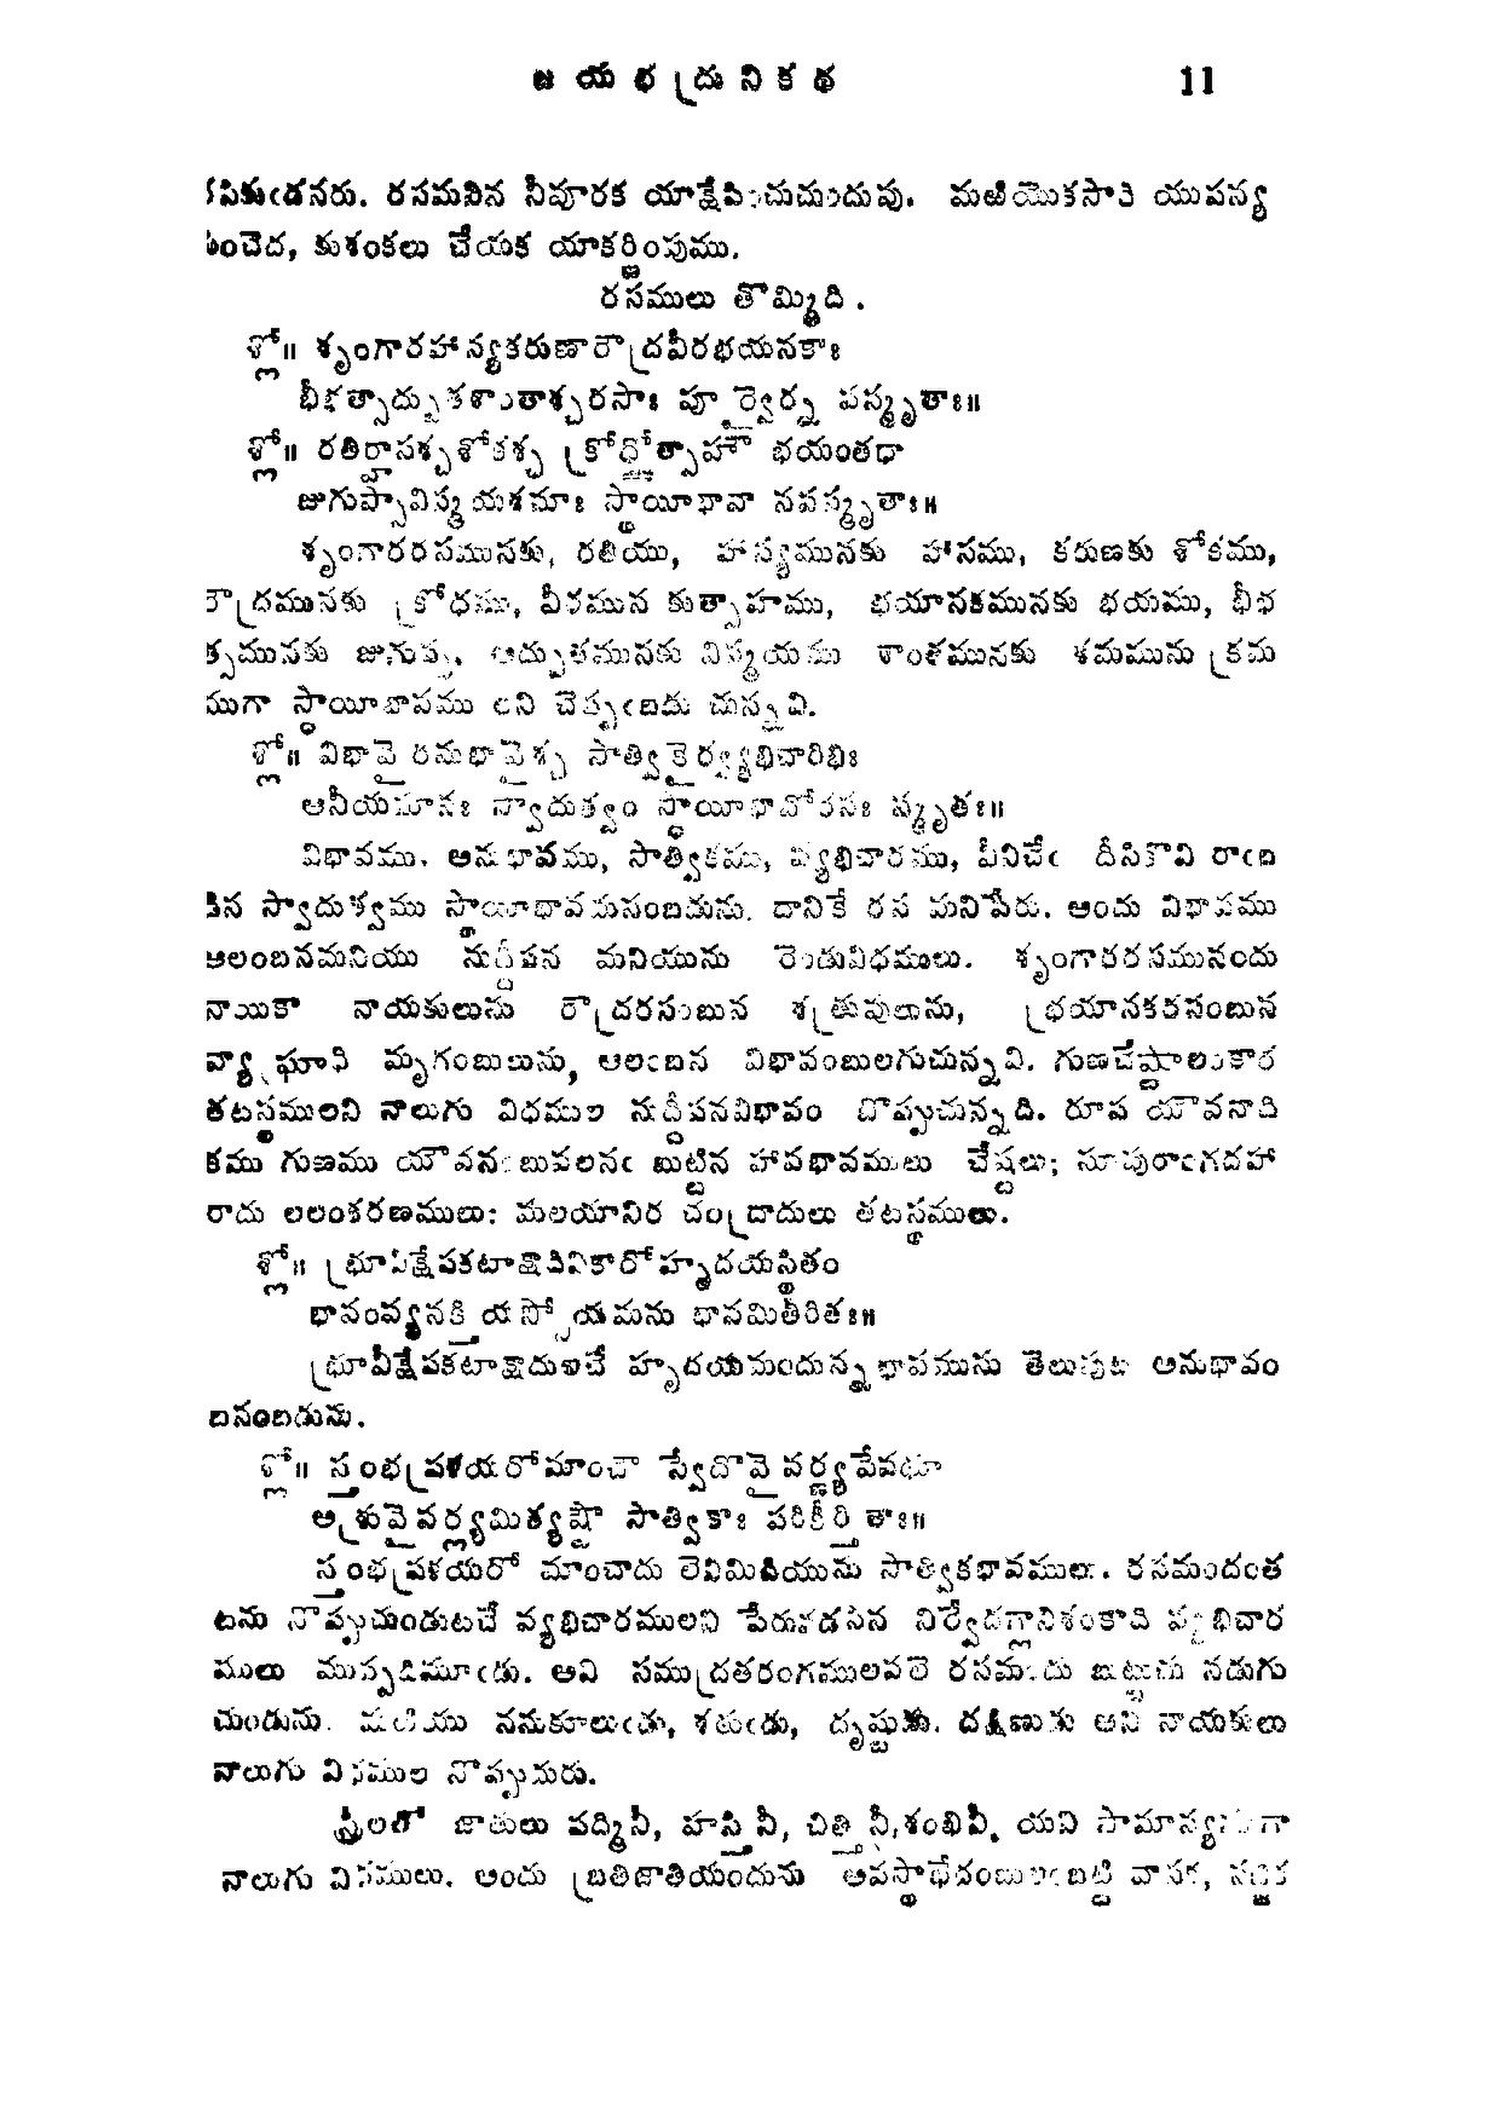రసికుఁడనరు. రసమనిన నీవూరక యాక్షేపించుచుందుపు. మఱియొకసారి యుపన్యసించెద, కుశంకలు చేయక యాకర్ణింపుము.
 

శ్లో॥ శృంగారహాస్యకరుణారౌద్రవీరభయనకాః 
 భీభత్సాద్బుతశాంతాశ్చరసాః పూర్వైర్న పస్మృతాః॥ 

శ్లో॥ రతిర్హాసశ్చశోకశ్చ క్రోధోత్సాహౌ భయంతథా 
 జుగుప్సావిస్మయశమాః స్థాయీభావా నపస్మృతాః॥
శృంగారరసమునకు రతియు, హాస్యమునకు హాసము, కరుణకు శోకము, రౌద్రమునకు కోధము, వీరమున కుత్సాహము, భయానకమునకు భయము, భీభత్సమునకు జుగుప్స, అద్బుతమునకు విస్మయము, శాంతమునకు శమమును క్రమముగా స్థాయిబావము అని చెప్పఁబడు చుస్నవి. 

శ్లో॥ విభావై రమభావైశ్చ సాత్వికైర్వ్యభిచారిభిః 
 ఆనీయమానః స్వాదుత్వం స్థాయీభావోరసః స్మృతః॥
విభావము, అనుభావము, సాత్వికము, వ్యభిచారము, వీనిచేఁ దీసికొని రాఁబడిన స్వాదుత్వము స్థాయీభావమనంబడును. దానికే రస మనిపేరు. అందు విభావము ఆలంబనమనియు నుద్దీపన మనియును రెండువిధములు. శృంగారరసమునందు నాయికానాయకులును, రౌద్రరసంబున శత్రువులును, భ్రయానకరసంబున వ్యాఘ్రాదిమృగంబులును, ఆలంబన విభావంబులగుచున్నవి. గుణచేష్టాలంకార తటస్థములని నాలుగు విధముల నుద్దీపనవిభావం జొప్పుచున్నది. రూప యౌవనాదికము గుణము యౌవనంబువలనఁ బుట్టిన హావభావములు చేష్టలు; నూపురాంగదహారాదు లలంకరణములు; మలయానిల చంద్రాదులు తటస్థములు; 

శ్లో॥ భ్రూవిక్షేపకటాక్షాదివికారోహృదయస్థితం 
 భావంవ్యనక్తి యస్సోయమను భావమితీరితః॥ 
భ్రూవీక్షేపకటాక్షాదులచే హృదయమందున్నభావమును తెలుపుట అనుభావం బనంబడును. 

శ్లో॥ స్తంభప్రళయరోమాంచా స్వేదొవైవర్ణ్యవేవధూ
 అశ్రువైవర్ల్యమిత్యష్టౌ సాత్వికాః పరికీర్తితాః॥
స్తంభప్రళయరోమాంచాదు లెనిమిదియును సాత్వికభావములు. రసమందంతటను నొప్పుచుండుటచే వ్యభిచారములని పేరువడసిన నిర్వేదగ్లానిశంకాది వ్యభిచారములు ముప్పదిమూఁడు. అవి సముద్రతరంగములవలె రసమందు బుట్టుచు నడుగుచుండును. మఱియు ననుకూలుఁడు, శఠుఁడు, దృష్టుడు, దక్షిణుడు అని నాయకులు నాలుగు విధముల నొప్పుదురు.

స్త్రీలలో జాతులు పద్మినీ, హస్తినీ, చిత్తినీ, శంఖినీ, యని సామాన్యముగా నాలుగు విధములు. అందు బ్రతిజాతియందును అవస్థాభేదంబులఁబట్టి వాసక, సజ్జిక